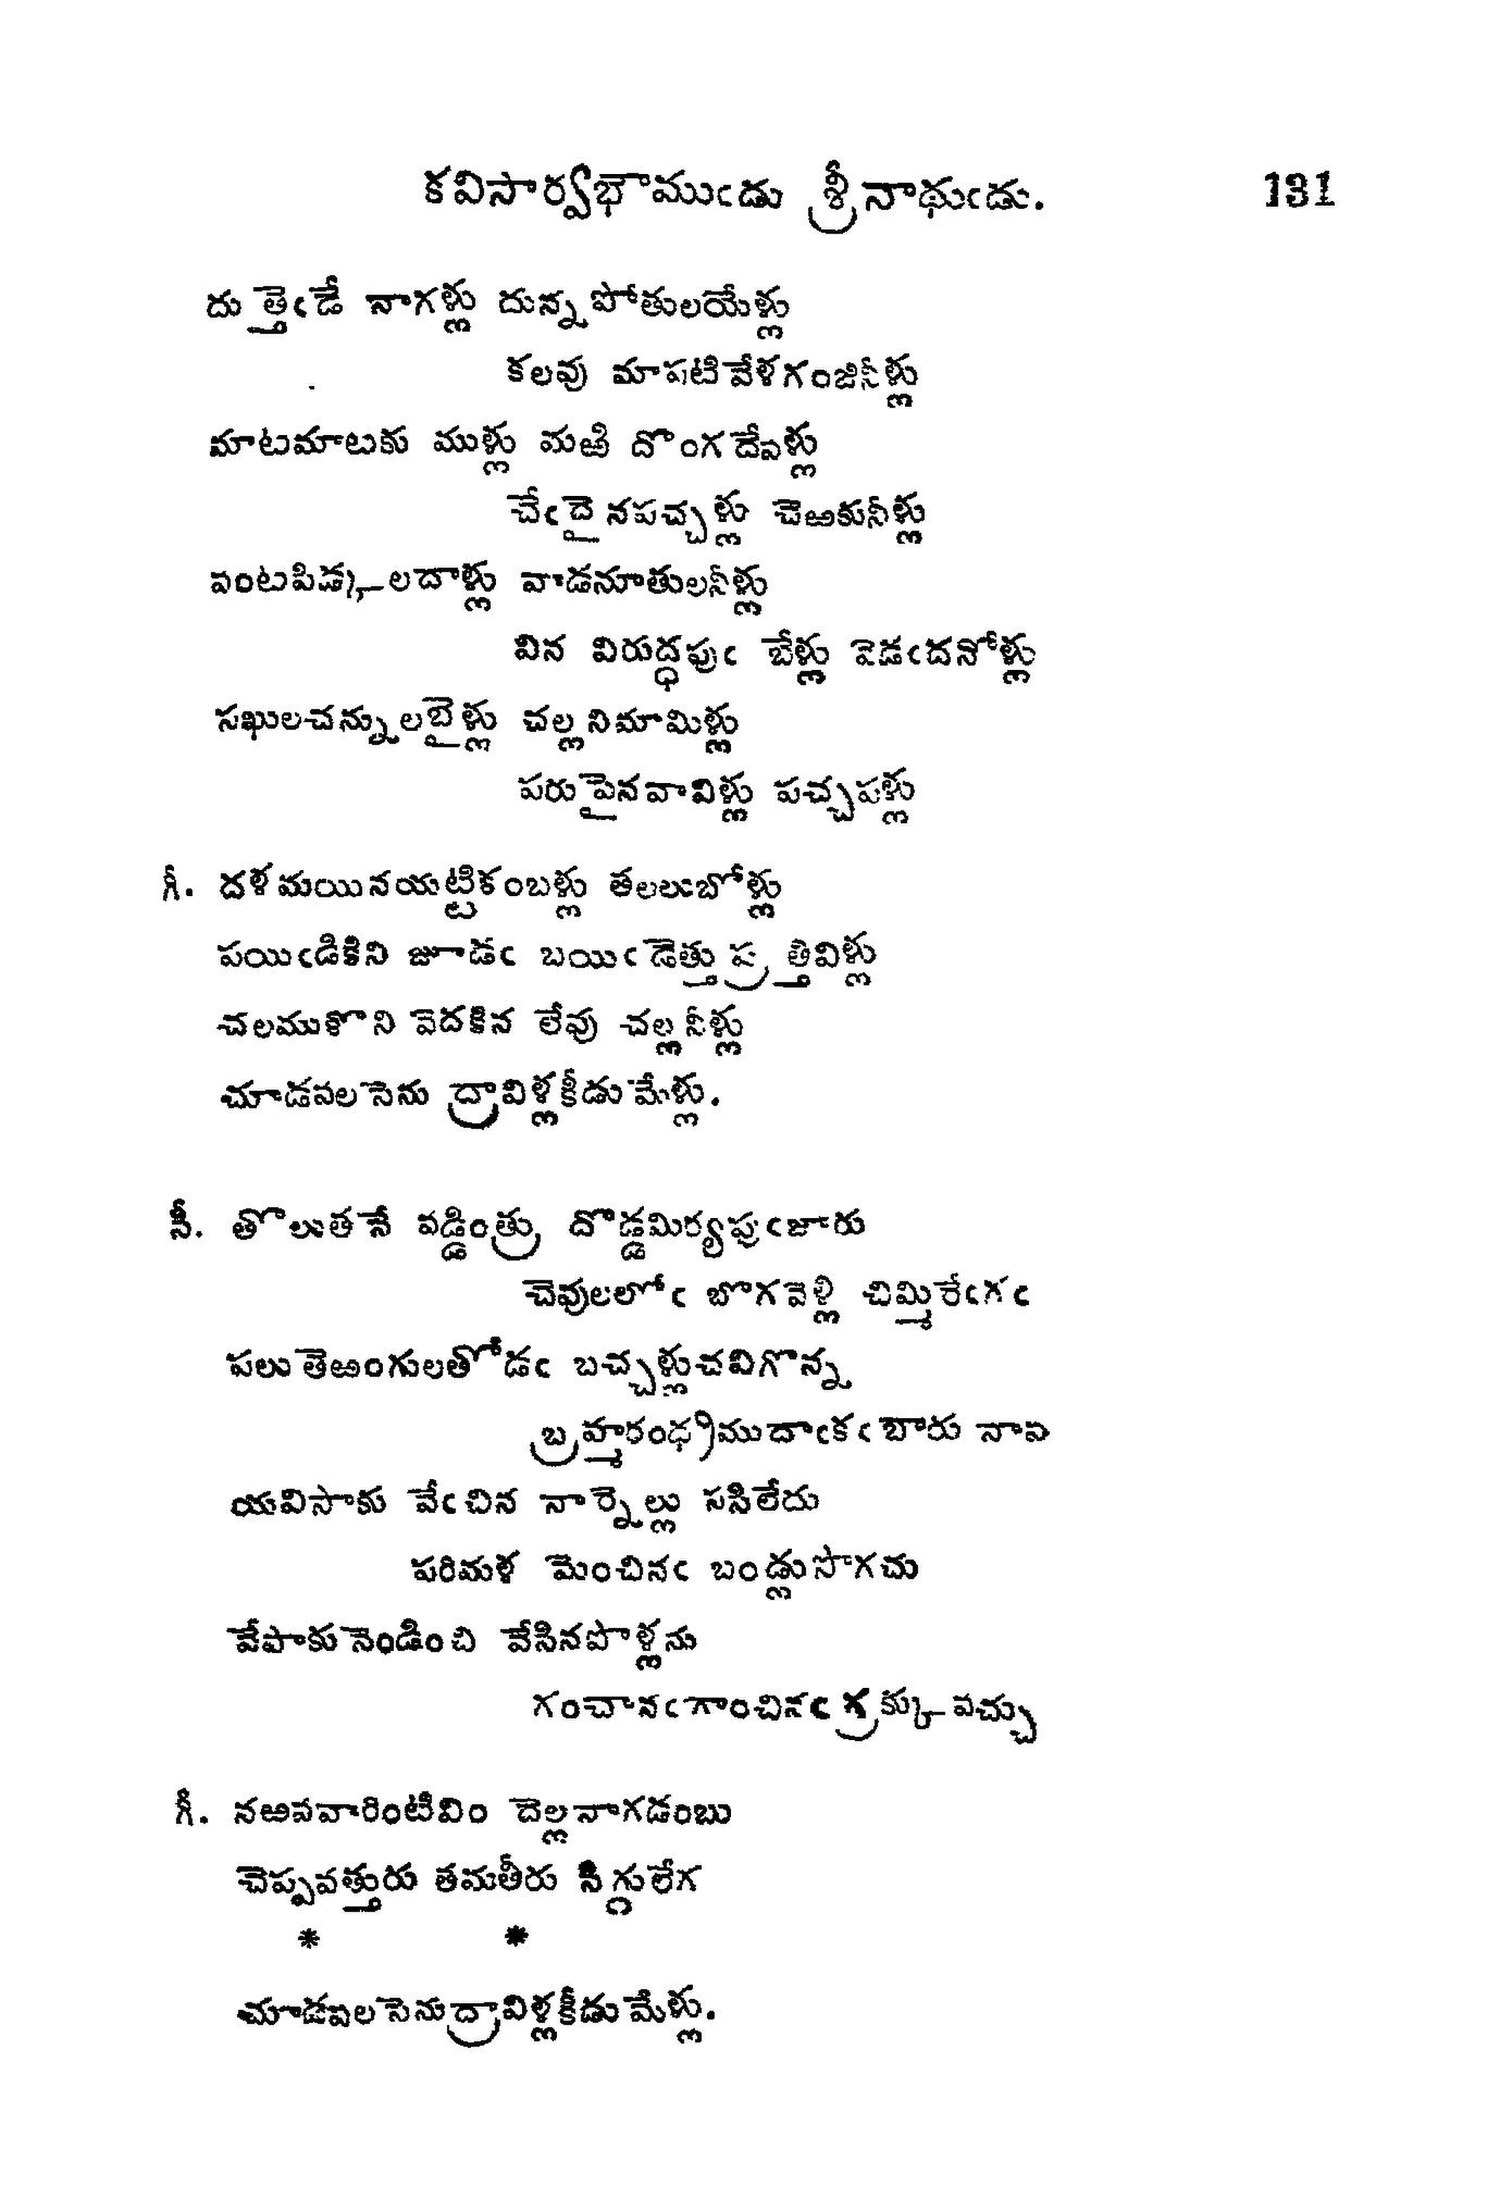దుత్తెఁడే నాగళ్ళు దున్నపోతులయేళ్ళు
 కలపు మాపటివేళ గంజినీళ్ళు
 మాటమాటకు ముళ్ళు మరి దొంగదేవళ్ళు
 చేఁదైనపచ్చళ్ళు చెఱకునీళ్ళు
 వంటపిడ్కలదాళ్ళు వాడనూతులనీళ్ళు
 విన విరుద్ధపుఁ బేళ్ళు వెడఁదనోళ్ళు
 సఖులచన్నులబైళ్ళు చల్లనిమామిళ్ళు
 పరుపైనవావిళ్ళు పచ్చపళ్ళు
తే. దళమయిన యట్టికంబళ్ళు తలలుబోళ్ళు
 పయిఁడికిని జూడఁ బయిఁడెత్తుప్రత్తివీళ్ళు
 చలముకొని వెదికిన లేవు చల్లనీళ్ళు
 చూడవలసెను ద్రావిళ్ళకీడుమేళ్ళు.
సీ. తొలుతనే వడ్డింత్రు దొడ్డమిర్యపుఁజారు
 చెవులలోఁ బొగ వెళ్ళి చిమ్మిరేఁగఁ
 బలుతెఱంగులతోడఁ బచ్చళ్ళు చవిగొన్న
 బ్రహ్మరంధ్రముదాఁకఁ బారు నావ
 యవిసాకు వేఁచిన నార్నెల్లు ససి లేదు
 పరిమళ మెంచినఁ బండ్లు సొగచు
 వేపాకు నెండించి వేసిన పొళ్ళను
 గంచానఁ గాంచినఁ గ్రక్కు వచ్చు
తే. నఱవవారింటివిం దెల్ల నాగడంబు
 చెప్పవత్తురు తమతీరు సిగ్గులేక
 …………..............................
 చూడవలసెను ద్రావిళ్ళకీడుమేళ్ళు.